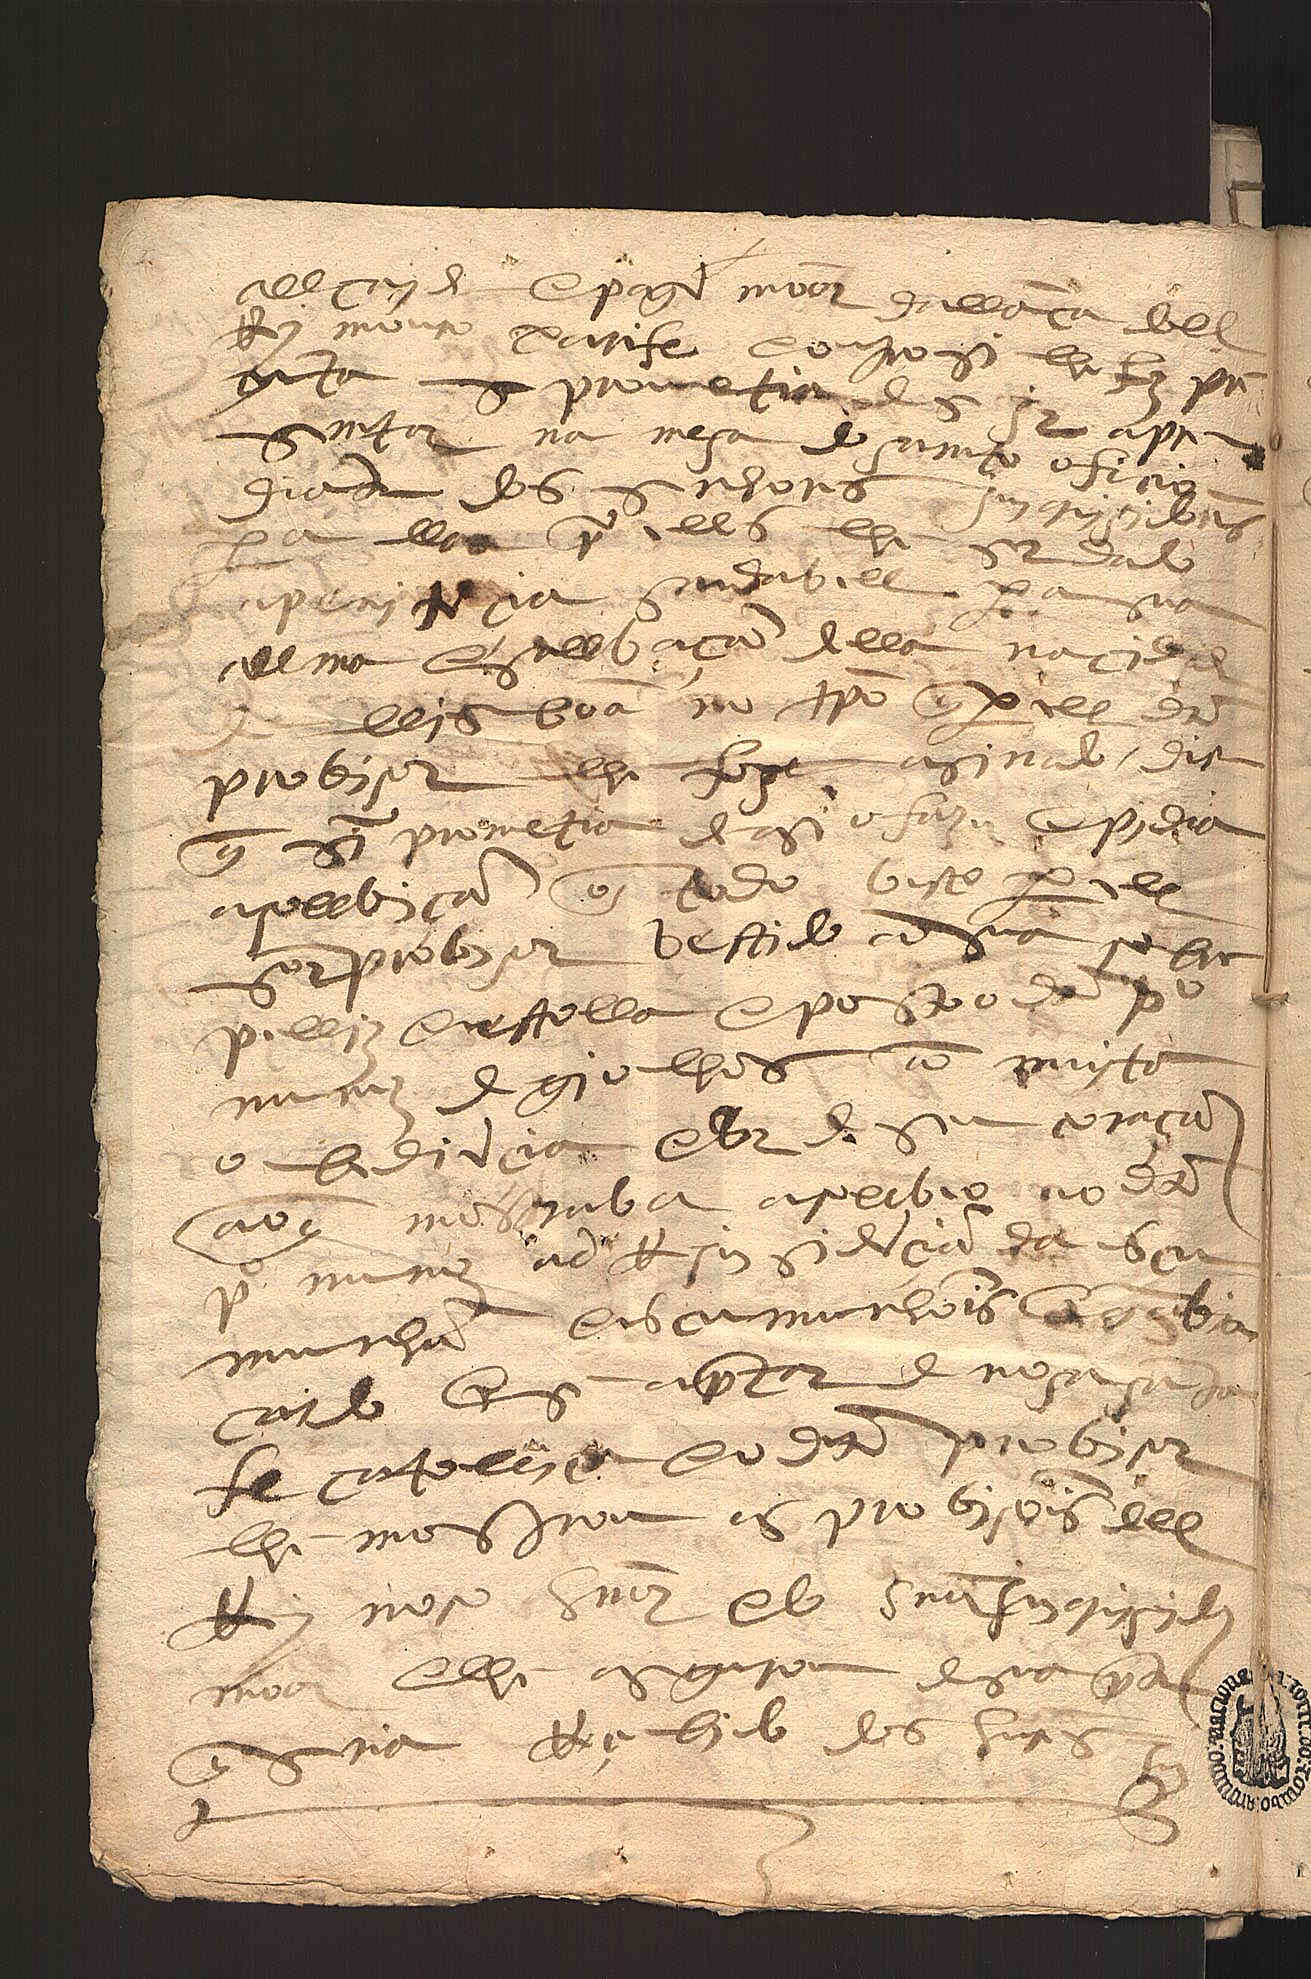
allcajde e pagē moōr da llāça dell
Rej mouro xarife e outrosi lhe fez pre
gūta se prometia de se Jr apre
semtar na mesa do samto oficio
diāte dos senhores Jmqujsidores
ꝑa lla p̄o elles lhe ser dado
a penjtēcia saudavell ꝑa sua
allma e sallvaçaõ della na cidade
de lljsboa no tp̄o q̄ ꝑ ell dtō
provisor lhe fose asinado / dise
q̄ sī prometia de asi o fazer e pjdia
asollviçaõ o q̄ todo visto ꝑ ell
s̄or provisor vestido cō sua sobre
pelliz e estolla e posto o dtō po
nunez de giolhos c̄o mujta
obediēcia e dor de seu coraçaõ
ao q̄ mostrava asollveo ao dt̄o
po nunez ad Rejmsidēciā da escu
munhaõ e escumonhoĩs ē q̄ avia
caido ē se ap̄tar de nosa sāta
fe catolljca e o dit̄o provisor
lhe mostrou as provisoĩs dell
Rej noso Snōr e do Snōr Jnqujsjdor
moor e lhe asegurou de sua p̄te
q̄ seria Recebido dos Sores Jn
